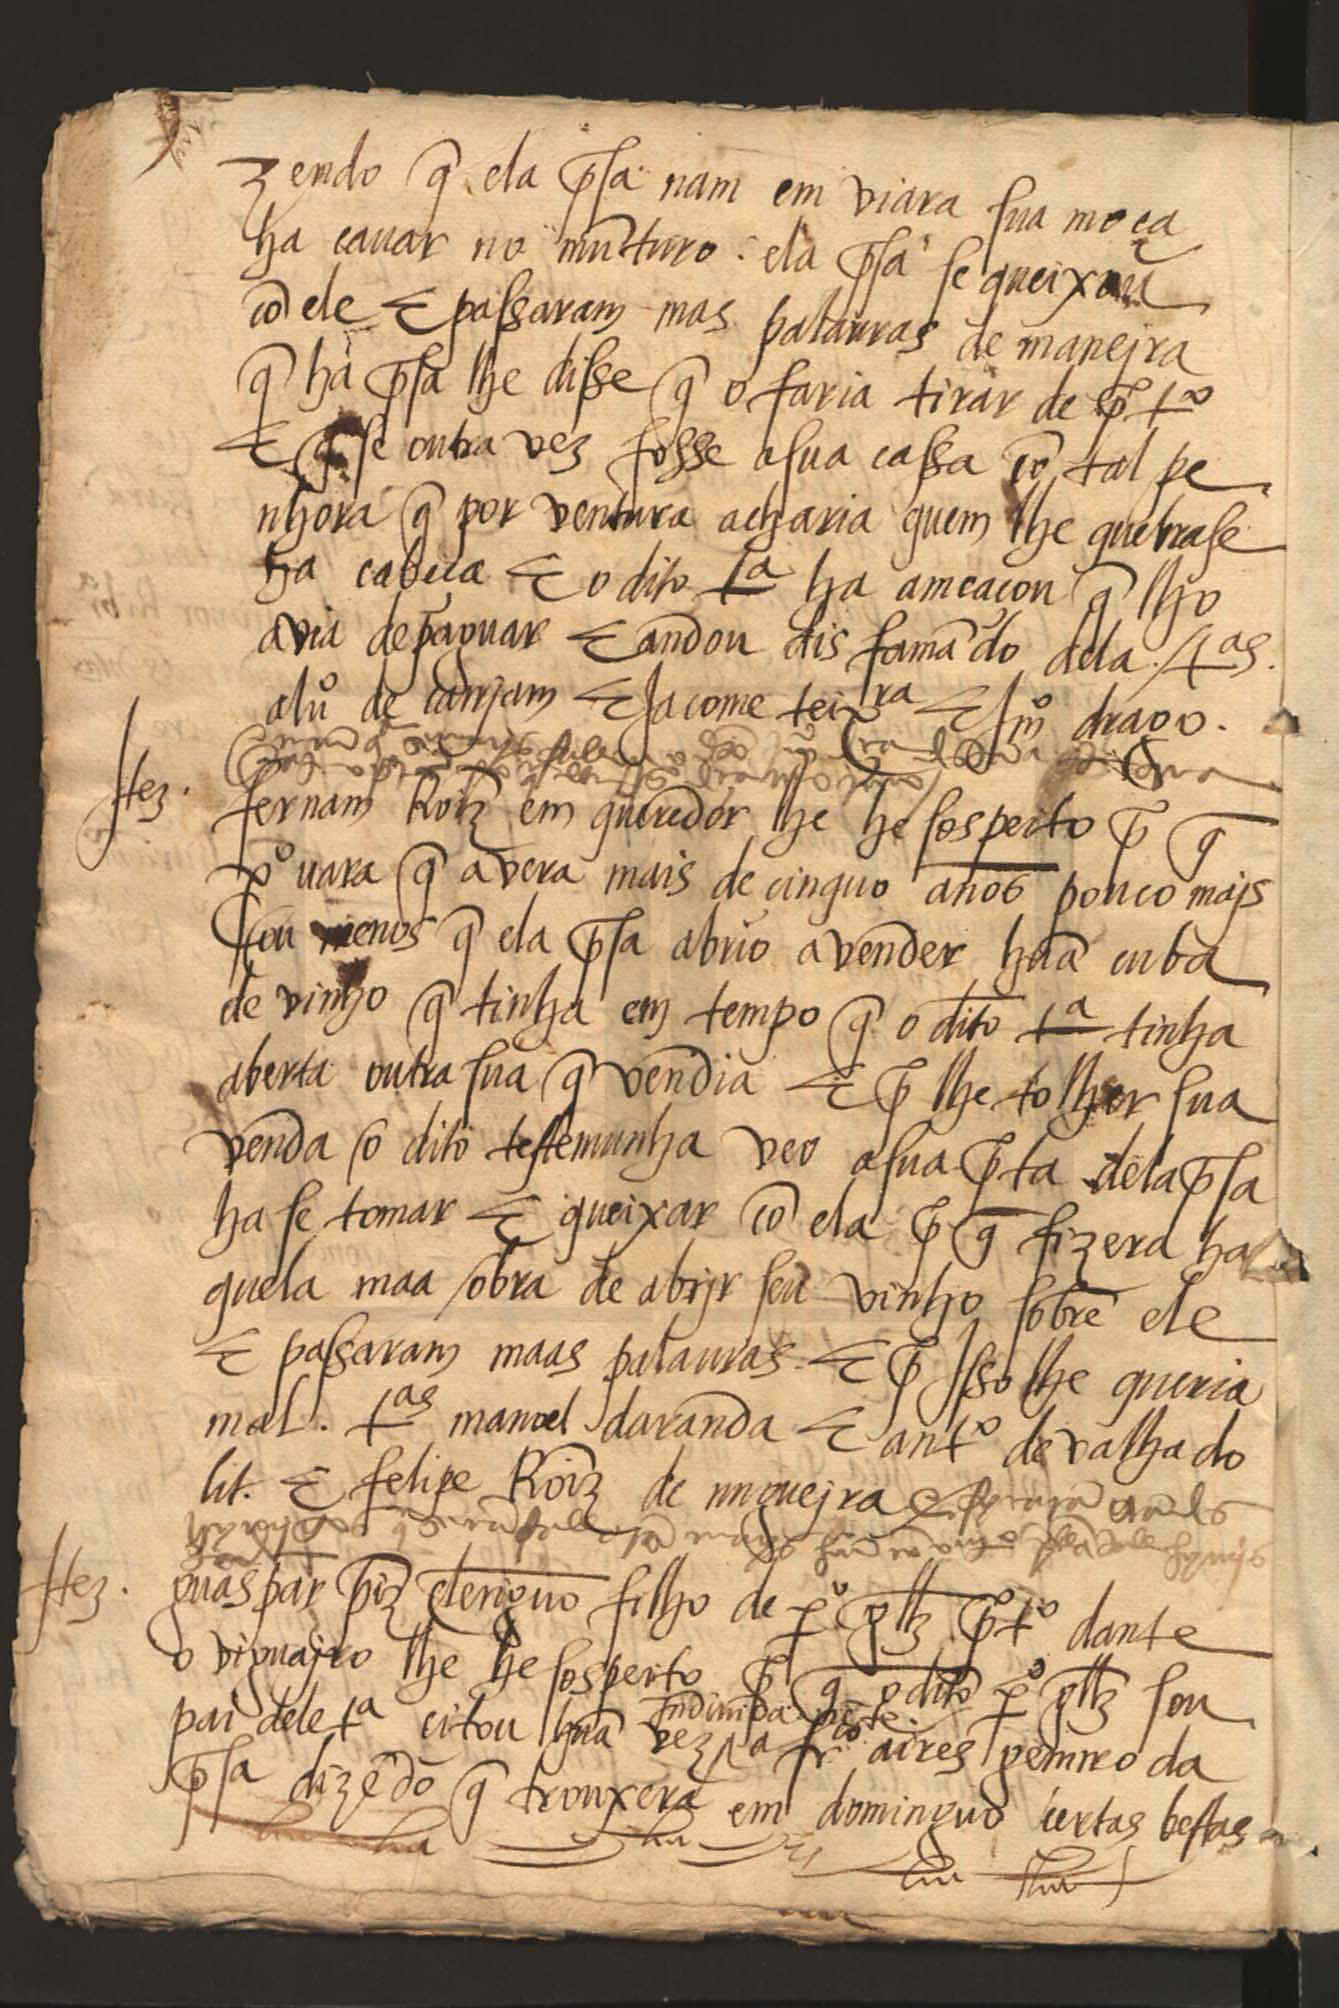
zendo q̅ ela p̄sa nam emviara sua moça
ha cauar no mu̅turo. ela p̄sa se queixou
co̅ ele E passaram mas palauras de manejra
q̅ ha p̄sa lhe disse q̅ o faria tirar de p̄o to
E q̅ se outra vez fosse a sua cassa c̅o tal pe
nhora q̅ porventura acharia quem lhe quebrase
ha cabeça E o dito ta ha ameaçou q̅ lho
avia de paguar E andou disfama̅do dela. / tas.
aluo de carrjam E Jacome teixra E Jmo drago.
Fernam Roiz̄ emqueredor lhe he sospeito p̄o q̅
ꝓouara q̅ avera mais de çinquo an̄os pouco majs
ou menos q̅ ela p̄sa abrio a vender hu̅a cuba
de vinho q̅ tinha em tempo q̅ o d̅ito ta tinha
aberta outra sua q̅ vendia E p̄o lhe tolher sua
venda / o dito testemunha veo a sua p̄ota dela p̄sa
ha se tomar E queixar cō ela p̄o q̅ fizera ha
quela maa / obra de abrir seu vinho sobre ele
E passaram maas palauras E p̄o Jsso lhe queria
maL. tas manoel daranda E anto de valhado
lit. E Felipe Ro̅iz de nuguejra
guaspar p̅iz c̅leriguo filho de ꝑo g̅llz p̄o to dante
o viguajro lhe he sospeito p̄o q̅ o d̅ito ꝑo g̅llz seu
pai dele ta citou hu̅a vez
Jndiuidame̅te
a frco aires gemrro da
p̄sa dize̅do q̅ trouxera em dominguo certas bestas
